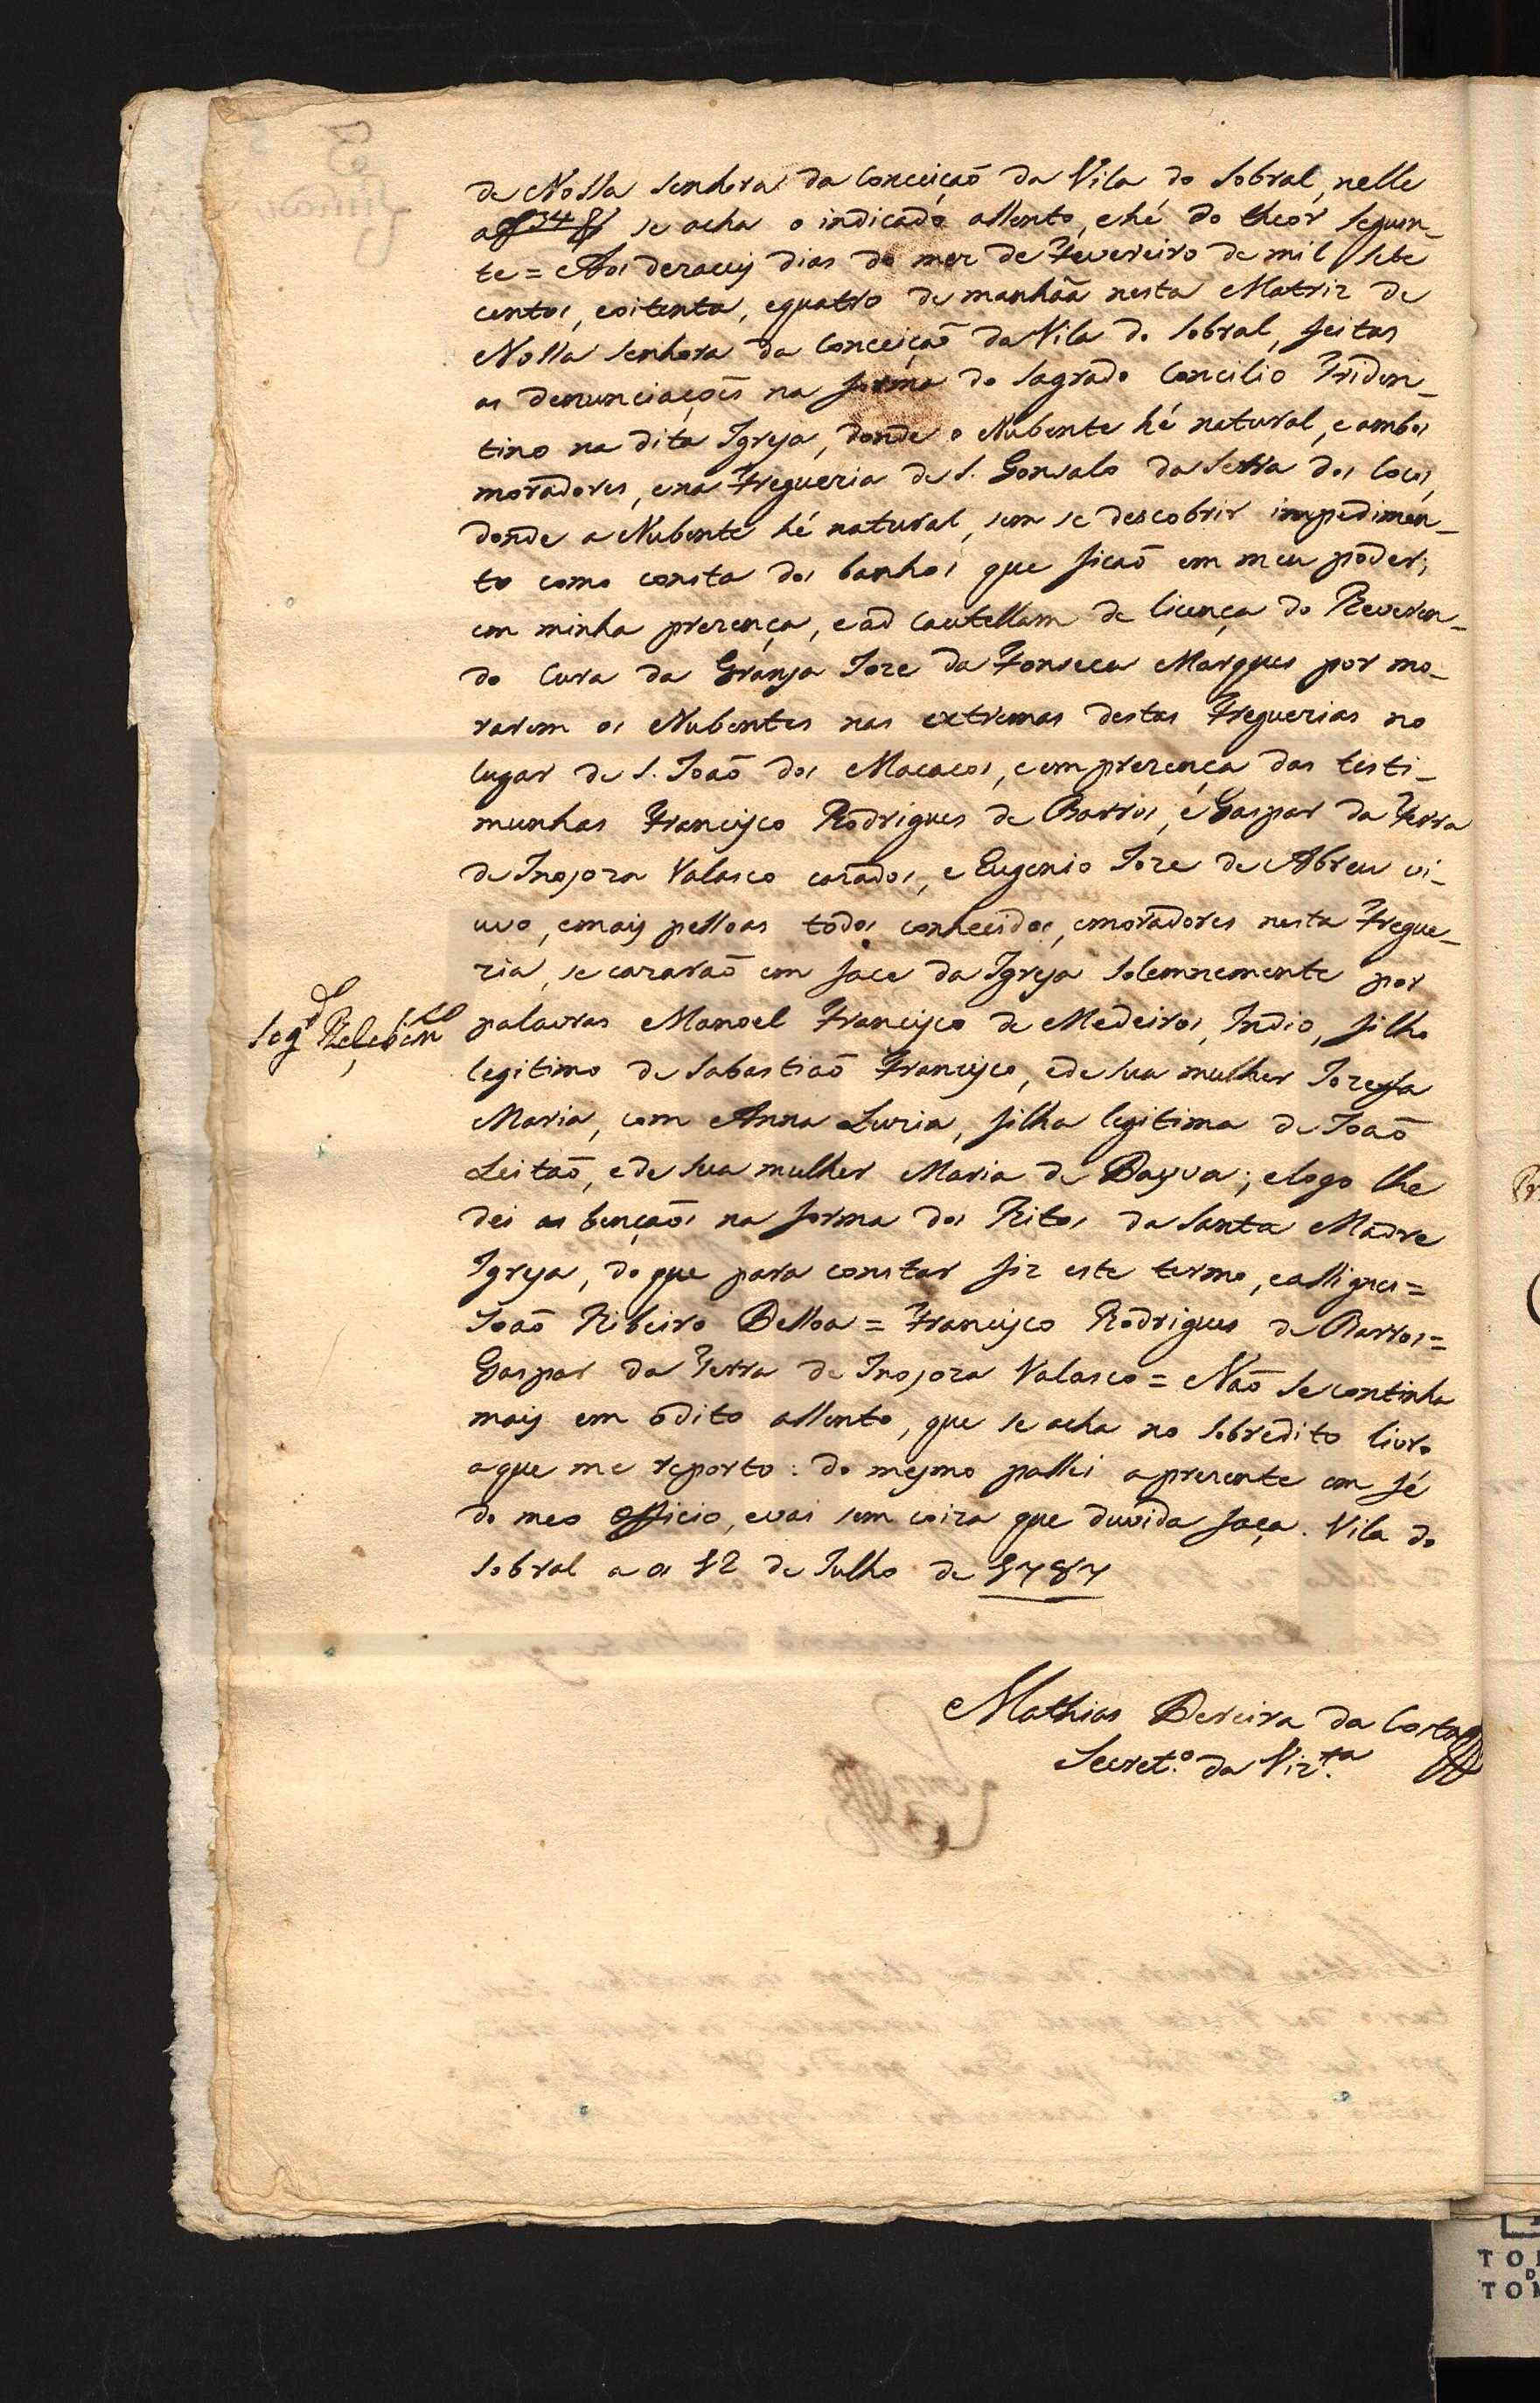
seg.do Reçebin.to
de Nossa senhora da conceiçaõ da Vila do sobral nelle
a fo34 se acha o indicado assento, e hé do theor seguin
te = Aos dezaceis dias do mez de Fevereiro de mil sete
centos, e oitenta, e quatro de manhaã nesta Matriz de
Nossa senhora da conceiçaõ da Vila de sobral, feitas
as denunciacoẽs na forma do sagrado concilio Triden
tino na dita Igreja, donde o Nubente hé natural, e ambos
moradores, e na Freguezia de S. Gonsalo da serra dos cocos
donde a Nubente hé natural sem se descobrir impedimen
to como consta dos banhos que ficaõ em meu poder;
em minha prezença, e ad cautellam de licença do Reveren
do cura da Granja Ioze da Fonseca Marques por mo
rarem os Nubentes nas extremas destas Freguezias no
lugar de S. Ioão dos Macacos, e em prezença das testi
munhas Francisco Rodrigues de Barros, e Gaspar da Terra
de Inojoza Valasco cazados, e Eugenio Ioze de Abreu vi
uvo, e mais pessoas todos conhecidos, e moradores nesta Fregue
zia se cazarão em face da Igreja, solemnemente por
palavras Manoel Francisco de Medeiros, Indio, filho
legitimo de sabastiaõ Francisco, e de sua mulher Iozefa
Maria, com Anna Luzia, filha legitima de Ioaõ
Leitaõ, e de sua mulher Maria de Payva; e logo lhe
deI as bençaõs na forma dos Ritos da Santa Madre
Igreja, do que para constar fiz este termo, e assignei=
Joao RIbeiro Pessoa = Francisco Rodrigues de Barros=
Gaspar da Terra de Inojoza Valasco = Naõ se continha
mais em o dito assento, que se acha no sobredito livro
a que me reporto: do mesmo passei a prezente em fé
do meo officio, e vai sem coiza que duvida faça. Vila do
sobral aos 12 de Iulho de 1787
Mathias Pereira da Costa
Secret.o da Viz.ta
